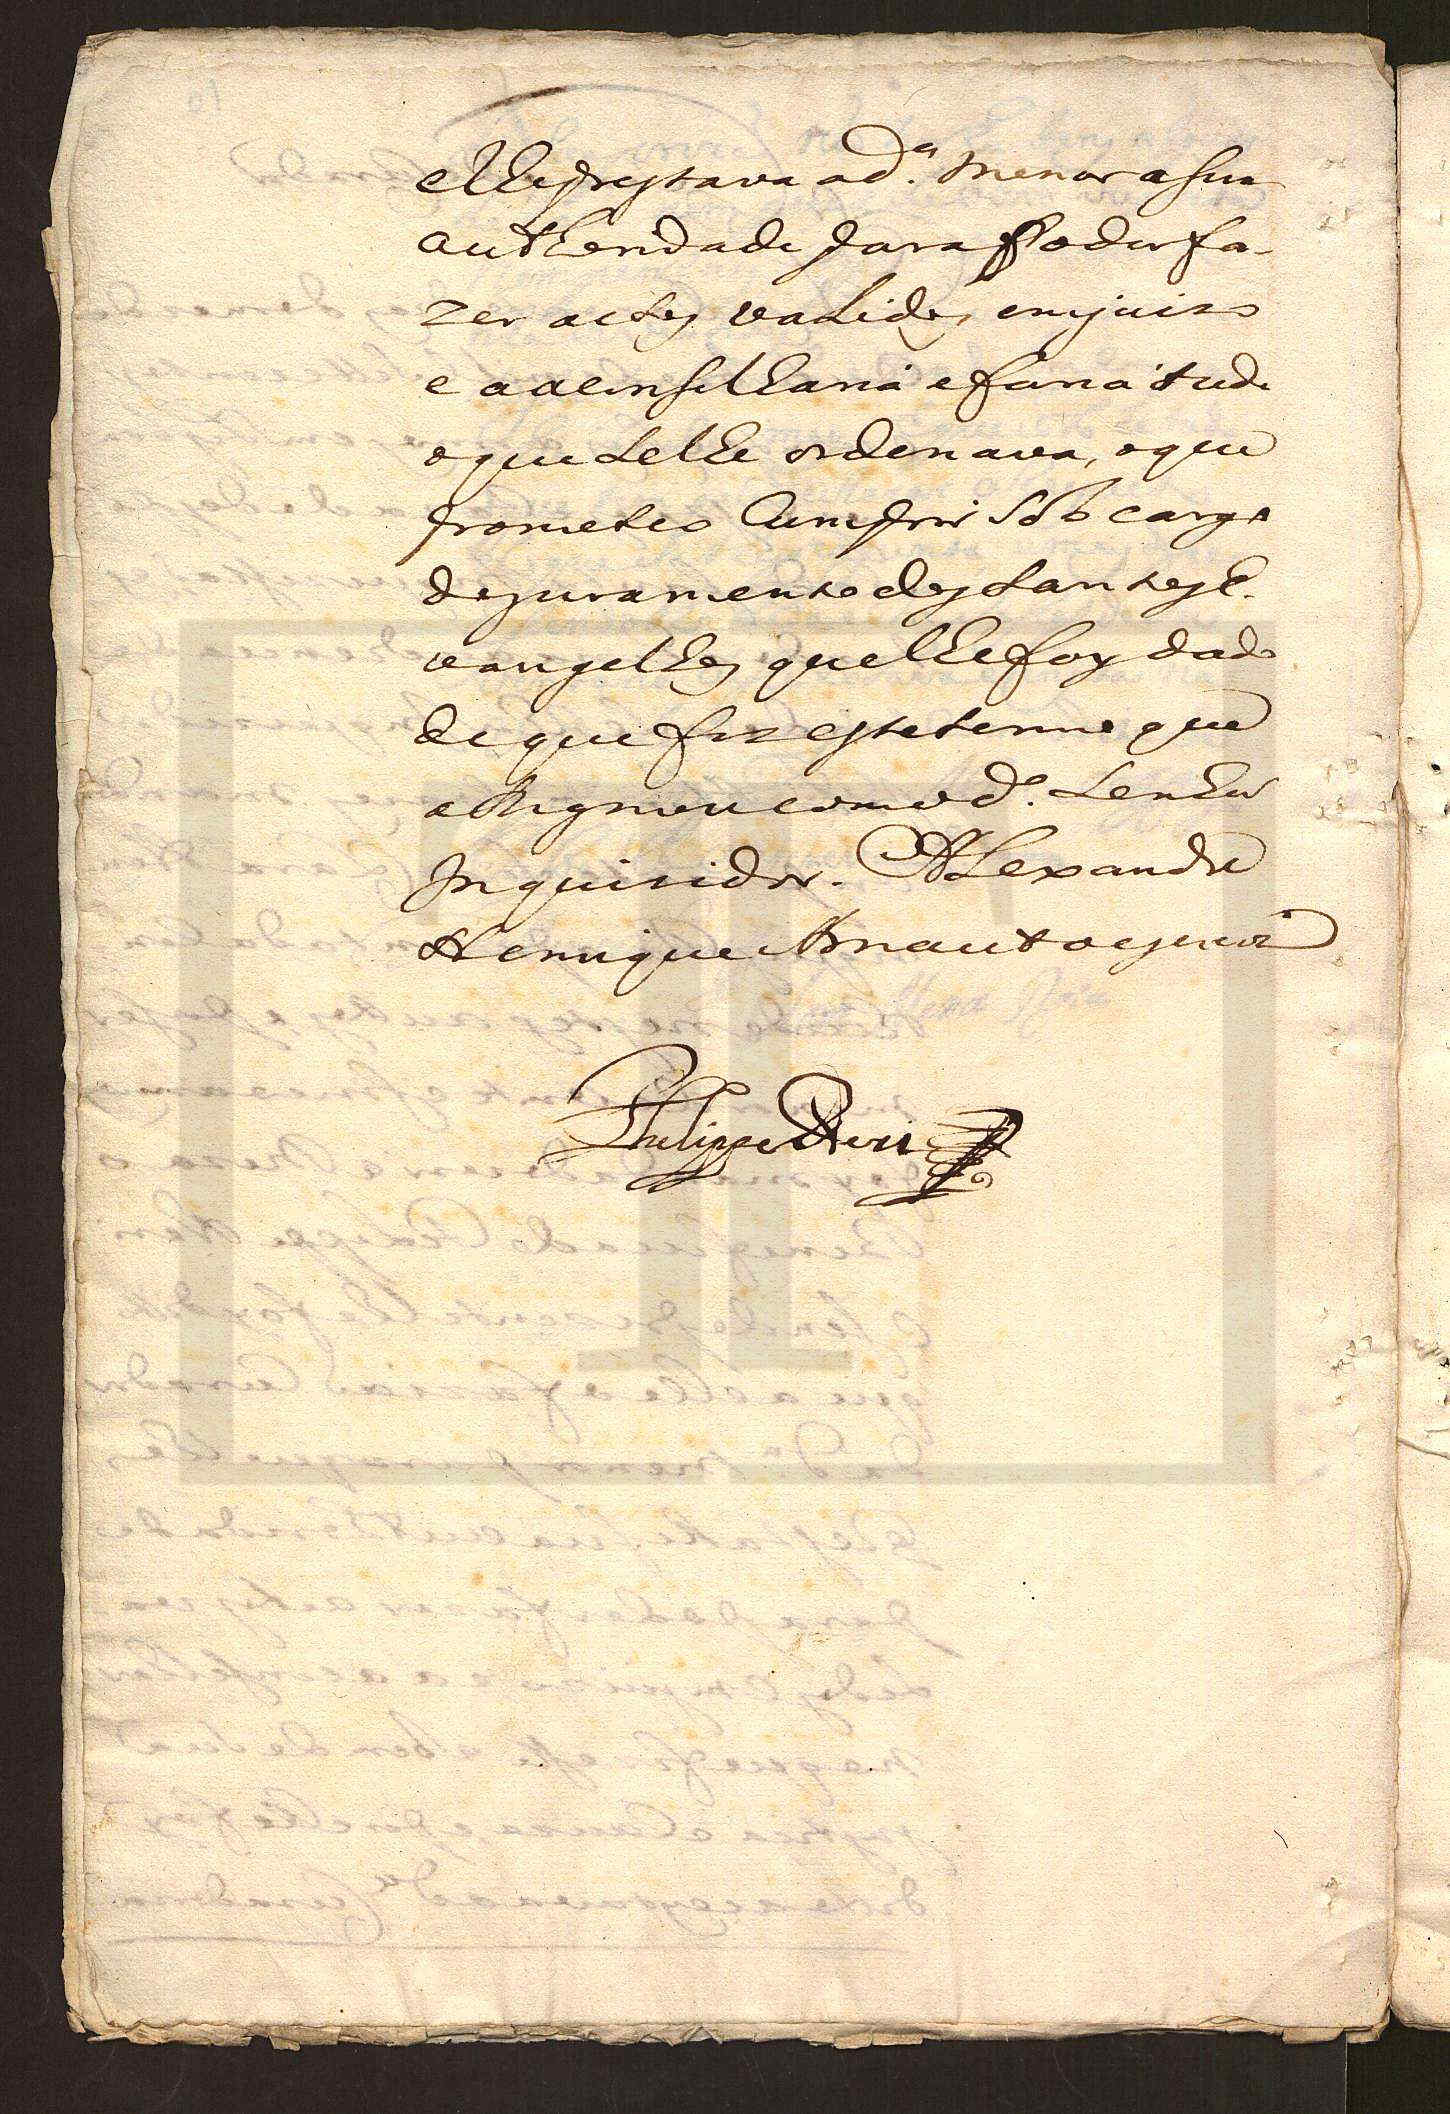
e lhe prestava a d.a menor a sua
authoridade para poder fa
Zer actos vaLidos em juizo
e a aconselharia e faria tudo
o que se lhe ordenava, o que
prometeo Cumprir sob cargo
do juramento dos santos E
vangelhos que lhe foy dado
de que fiz este termo que
assignou com o d.o Senhor
Inquizidor ALexandre
Henrique Arnaut o escrevi
